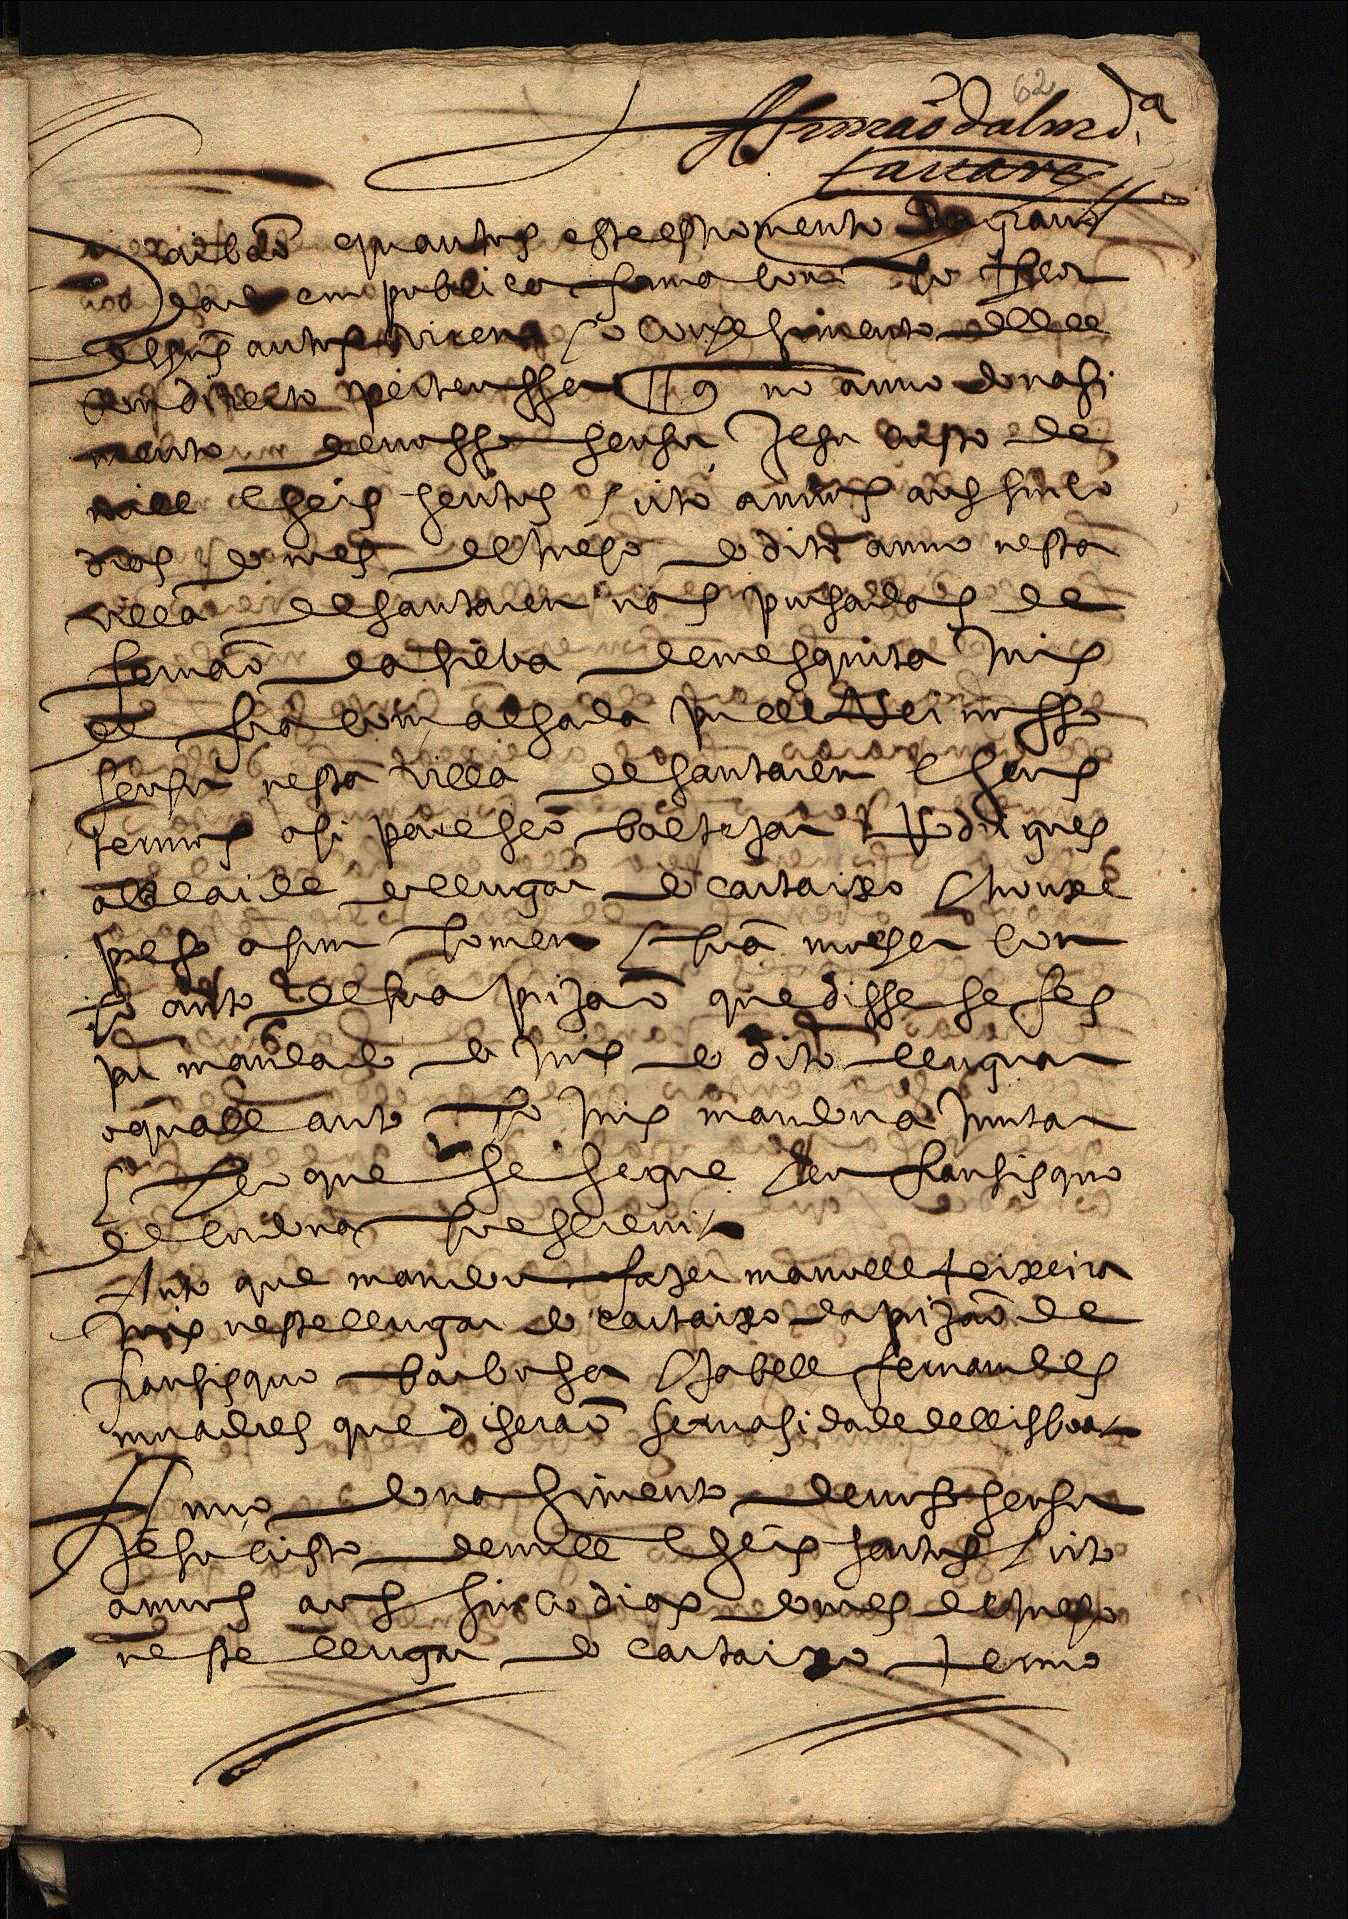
A simaõ daImd.a
tauares
Saibaõ quantos este estromento dagrauo
Dado em publica forma com ho theor
de hūs autos virem e o conhesimento delle
com direito pertenssa // q̄ no anno do nasi
mento de nosso senhor Jesu cristo de
mill e seissentos e oito annos aos sinco
dias do mes de Iulho do dito anno nesta
villa de santarem nas pousadas de
fernaõ da silva de mesquita Iuis
de fora com alsada por ell Rei nosso
senhor nesta villa de santarem e seus
termos ahi pareseo baltesar Rodrigues
allcaide do llugar do cartaixo E trouxe
preso a hum homem E huā molher com
ho auto de sua prizaõ que disse se fes
por mandado do Juis do dito lluguar
o quall auto ho Juis mandou aJuntar
E he o que se segue e eu fransisquo
de cordoua ho escreui /
Auto que mandou fazer manoell teixeira
rois neste llugar do cartaixo da prizaõ de
fransisquo barbosa E Jzabell fernamdes
moradores que diseraõ ser na sidade de llisboa
Anno do nasimento de noso senhor
Jesu cristo de mill e seissentos e oito
annos aos sinco dias do mes de Julho
neste llugar do cartaixo termo
